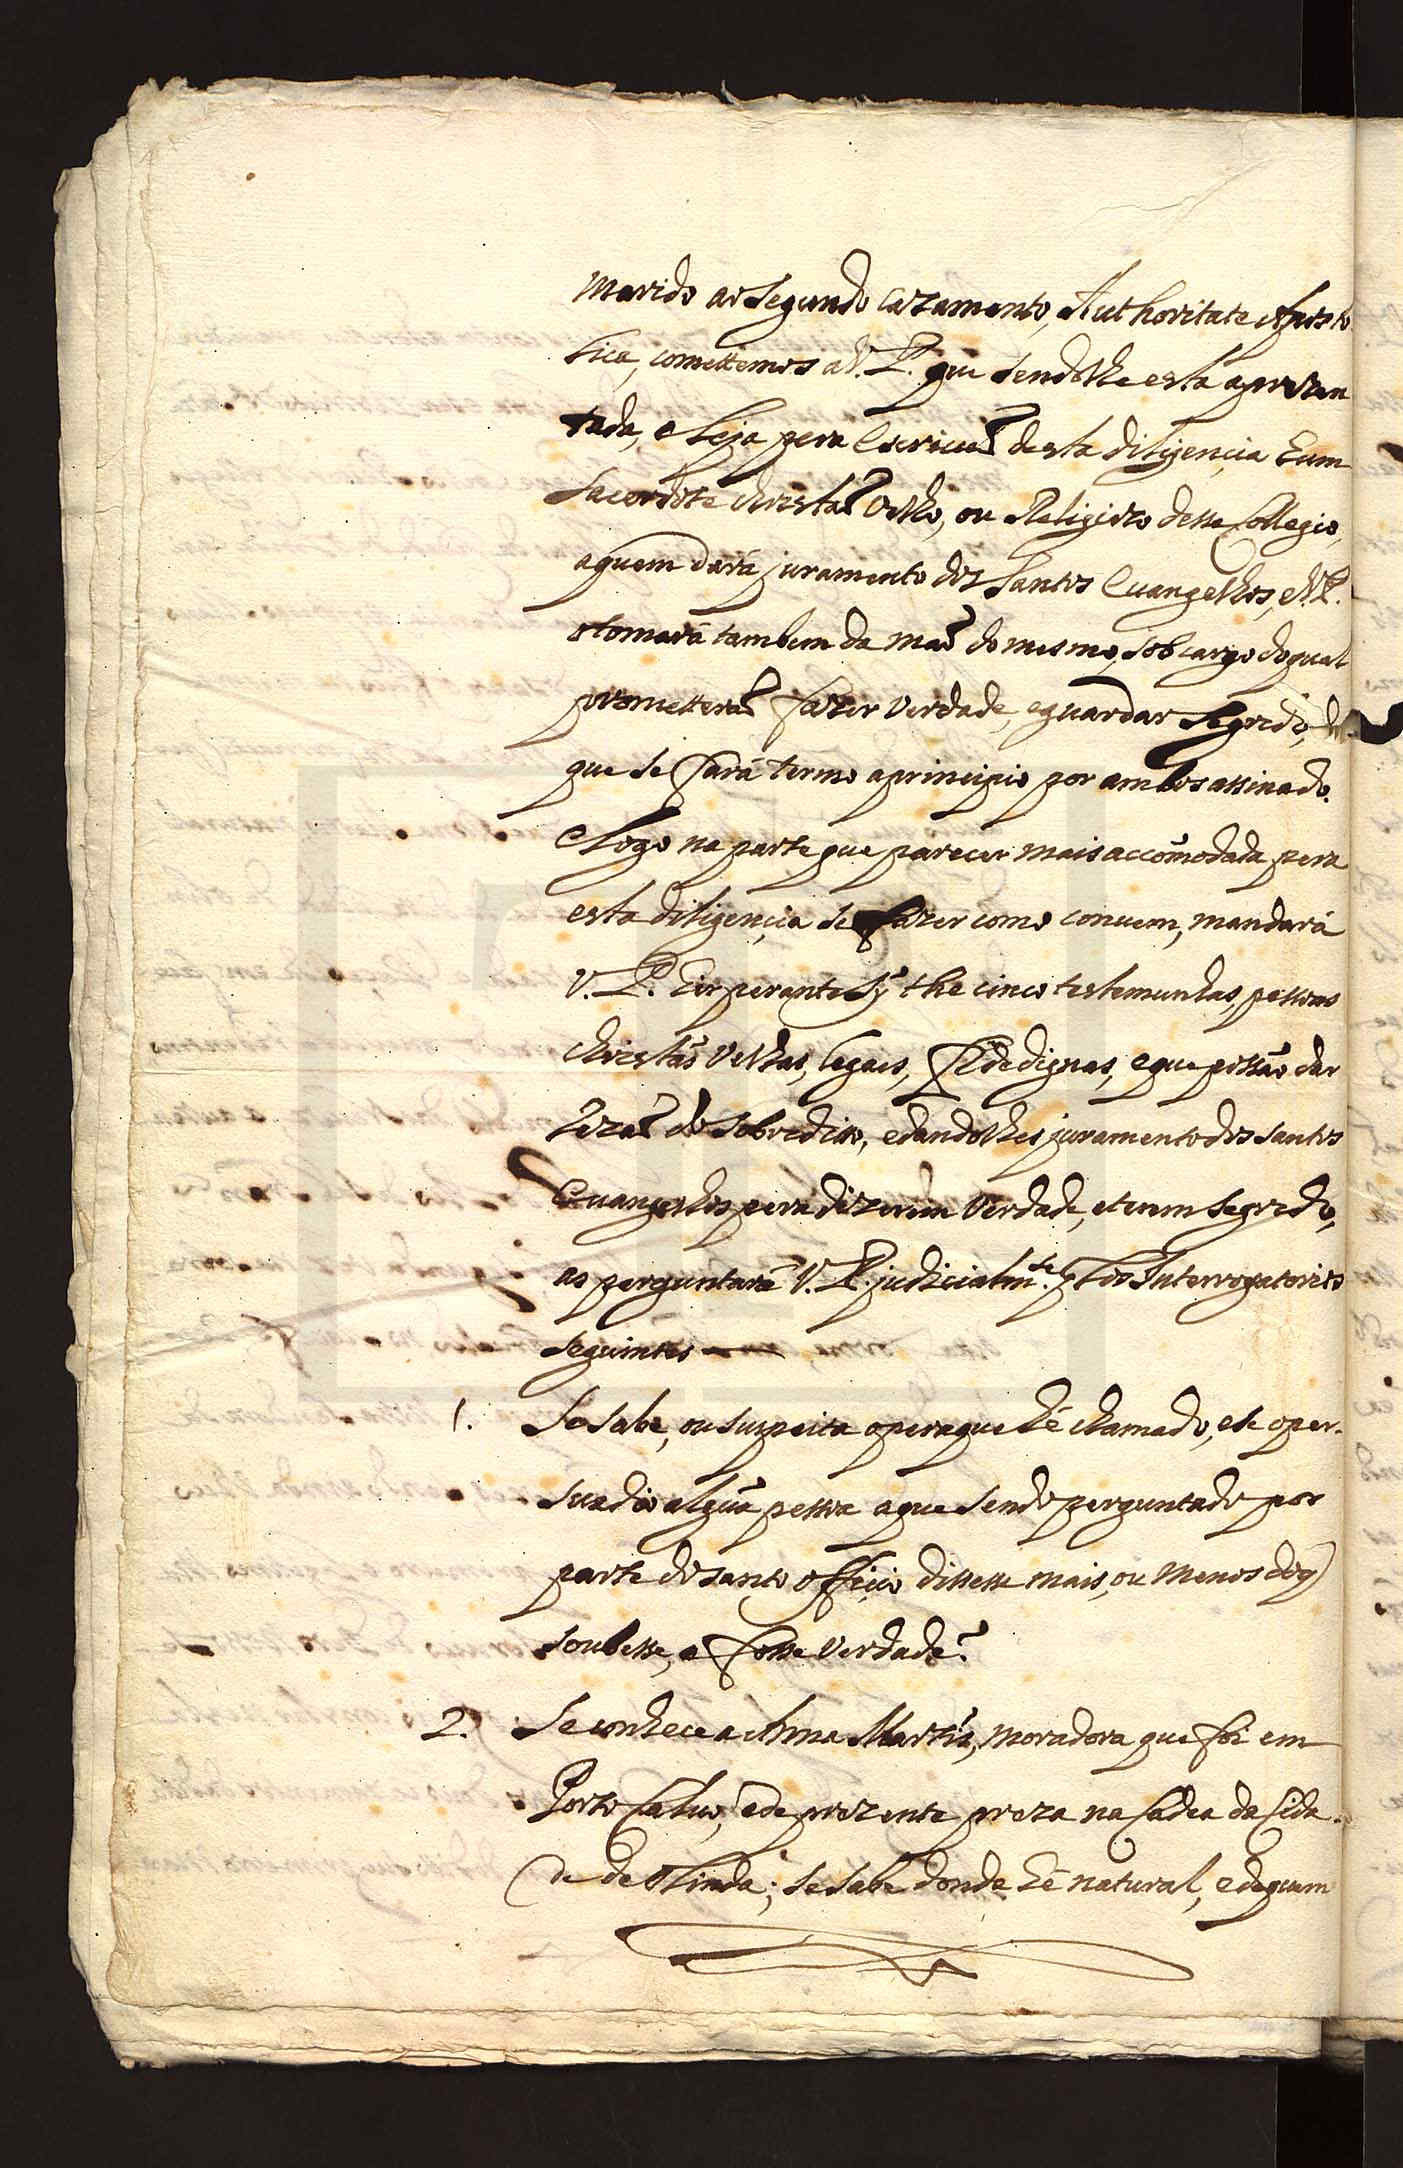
marido ao segundo cazamento Authoritate Aposto
lica, comettemos a V. P. que sendo lhe esta aprezen
tada, eleja pera escriuaõ desta diligencia hum
sacerdote christaõ velho, ou Religiozo desse Collegio,
a quem dará juramento dos Santos Euangelhos, e V. P.
o tomará tambem da maõ do mesmo, sob cargo do qual
prometteraõ fazer verdade, e guardar segredo,
que se fará termo a principio por ambos assinado.
e Logo na parte que parecer mais accom̄odada pera
esta diligencia se fazer como conuem, mandará
V. P. hir perante sy the cinco testemunhas, pessoas
christãs velhas, legaes, fidedignas, e que possaõ dar
Rezaõ do sobreditto, e dandolhes juramento dos santos
Euangelhos pera dizerem verdade, e terem segredo,
as perguntará V. P. judicialm.te p̄los Interrogatorios
seguintes.
1.
Se sabe, ou suspeita o pera que hé chamado, e se o per
suadio alguā pessoa a que sendo perguntado por
parte do santo officio dissesse mais, ou menos do q̄
soubesse, e fosse verdade?
Se conhece a Anna Martīs, moradora que foi em
2.
Porto Caluo, e de prezente preza na Cadea da Cida
de de olinda; se sabe donde hé natural, e de quem
